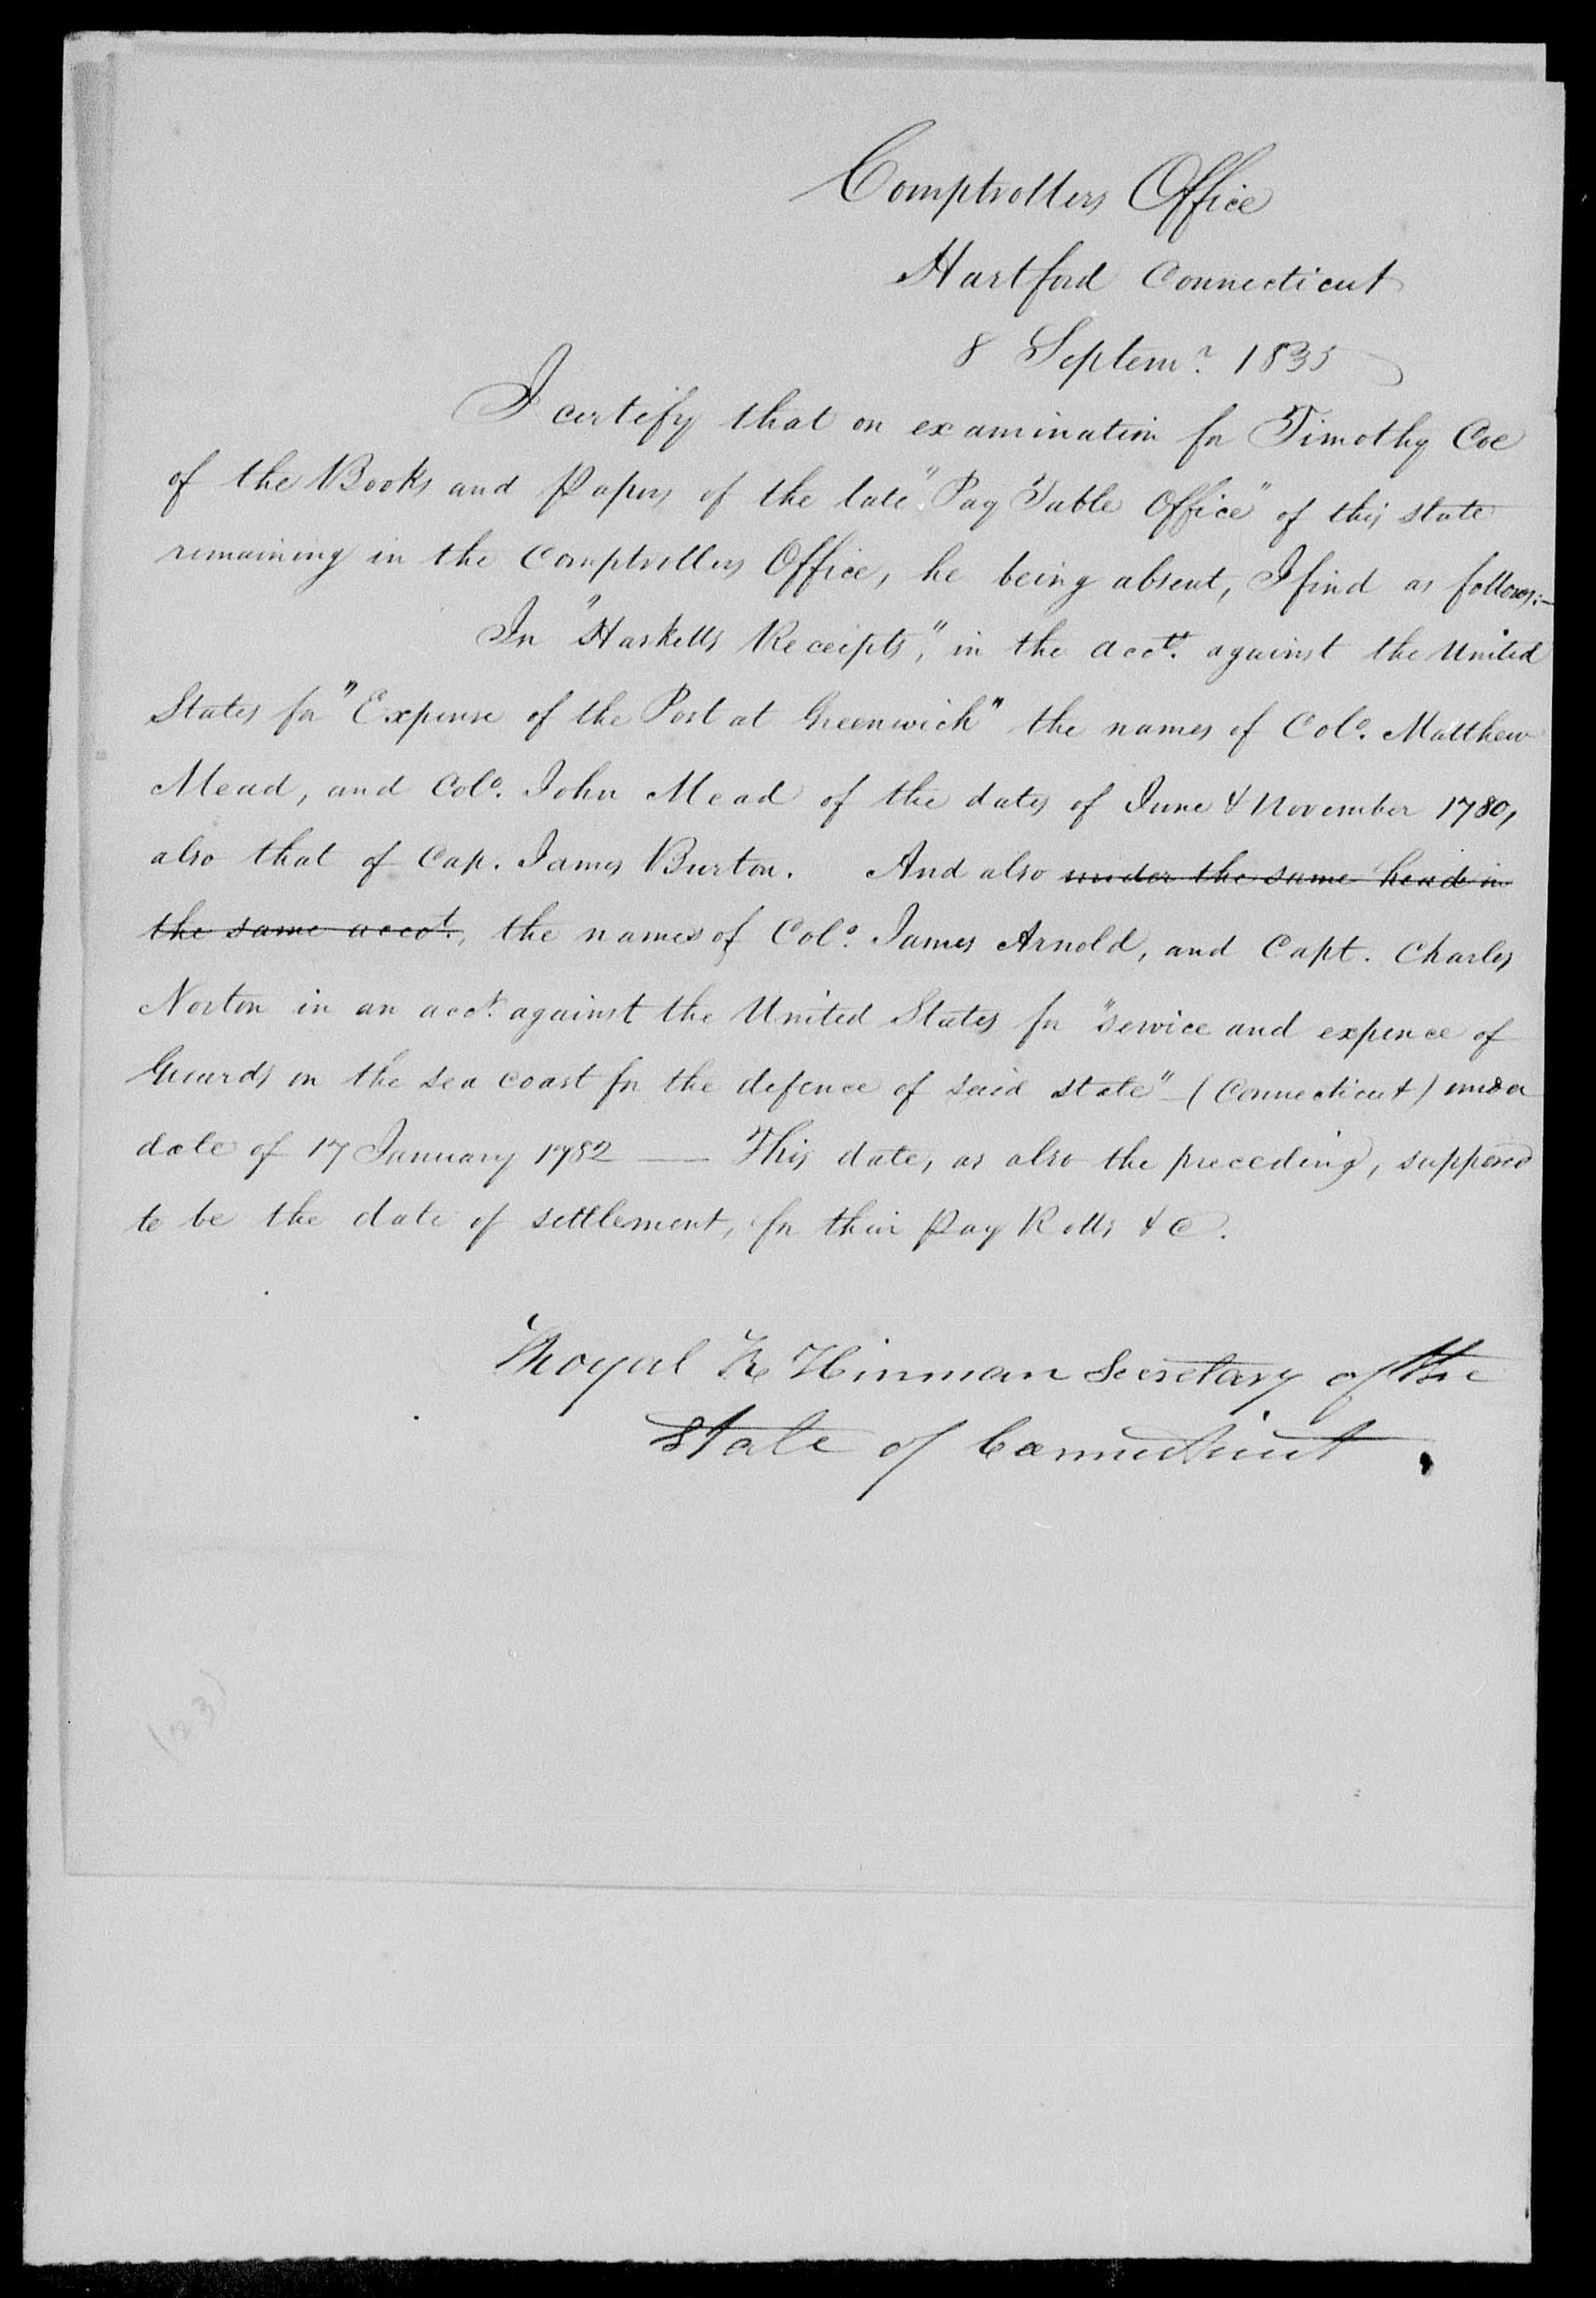Comptrollers Office
Hartford Connecticut
8 Septem 1835
I certify that on examination for Timothy Coe
of the Books and papers of the late "Pay Table Office" of this State
remaining in the Comptrollers Office, he being absent, I find as follows
In Haskells Receipts, in the acct against the United States
for "Expense of the Port at Greenwich, the names of Col. Matthew
Mead, and Col. John Mead of the date of June & November 1780,
also that of Capt. James Burton.
And also [under the same hand in the same acct.; struck through]
the names of Col. James Arnold, and Capt. Charles
Norton in an acct against the United States for "service and expence [expense] of
Guard in the sea coast for the defence [defense] of said State" (Connecticut) under
date of 17 January 1782 -- This date, as also the preceding, supposed
to be the date of settlement, for their pay Rolls &c
Royal R Hinman Secretary of the
State of Connecticut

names: James Burton, Royal R Hinman, Charles Norton, Timothy Coe, Matthew Mead, John Mead, James Arnold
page: 23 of 76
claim: widow's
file: W. 5,250, Timothy Coe, Conn.